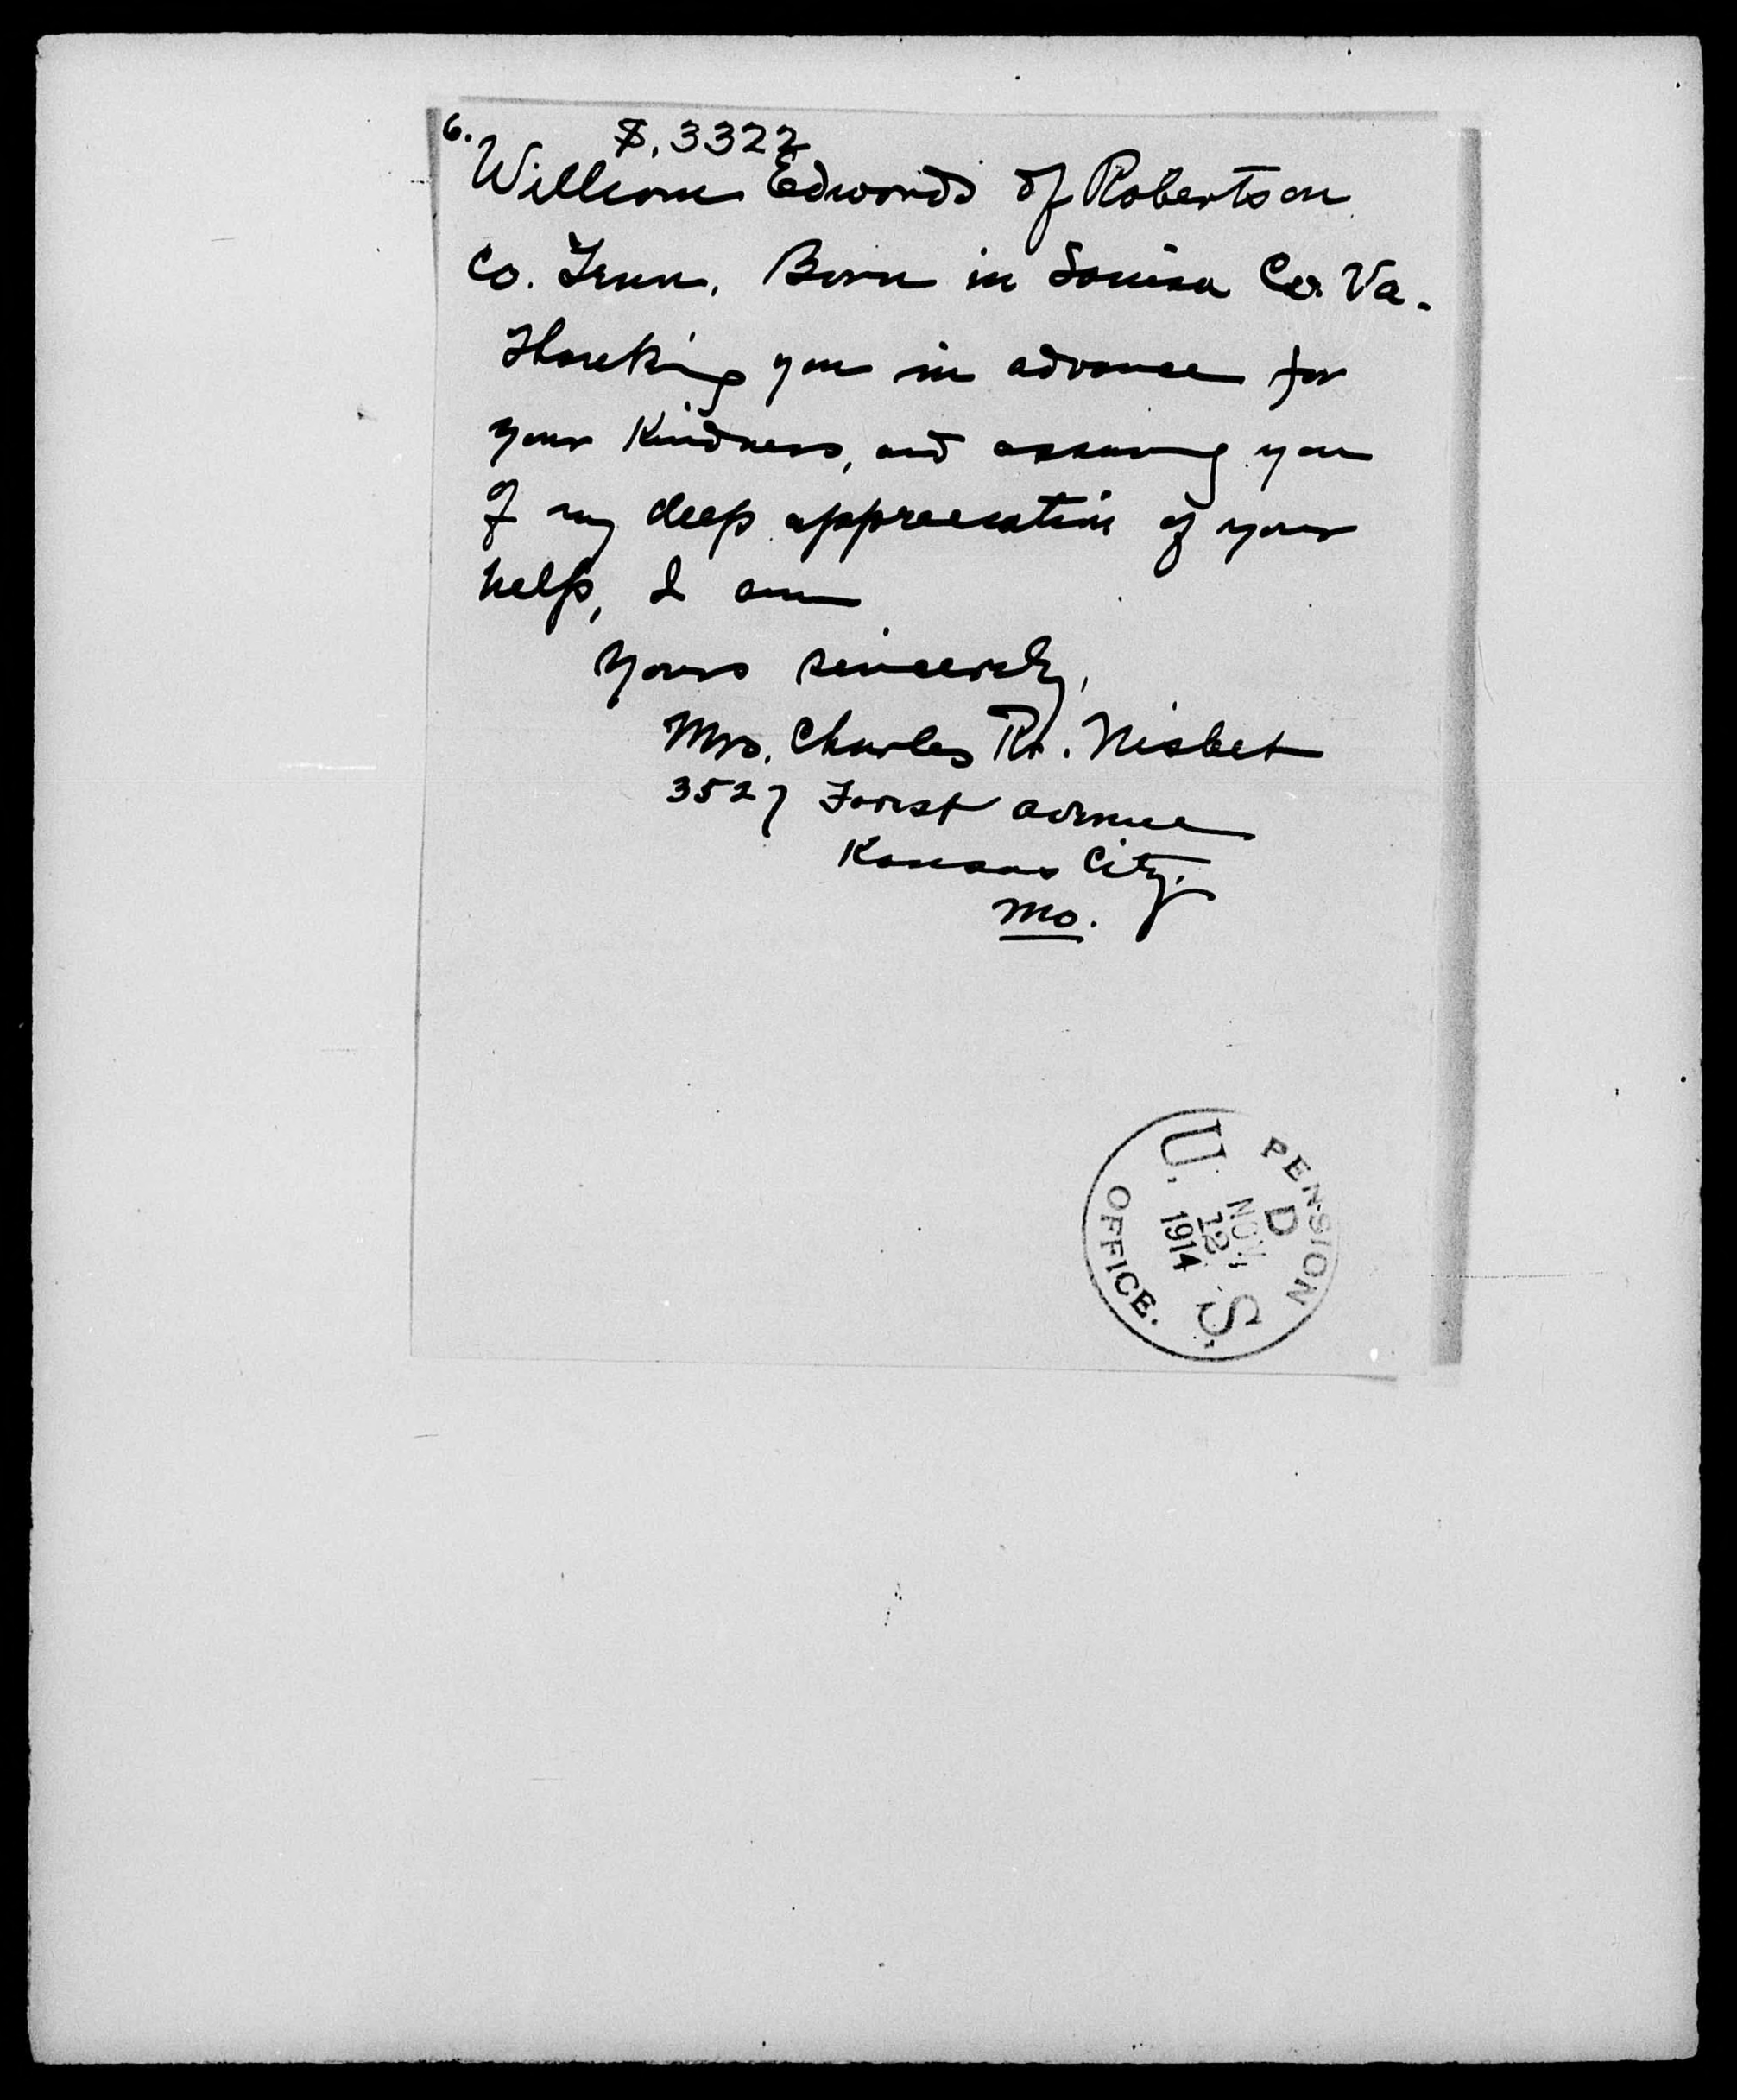6. $3322
William Edwards of Robertson
Co. Tenn. Born in Louisa Co. Va.
Thanking you in advance for
your kindness, and assuring you
of my deep appreciation of your help, I am

Yours sincerely,
Mrs. Charles R. Nisbet
3527 Forest Avenue
Kansas City,
Mo.

[circular stamp] U.S. PENSION OFFICE D NOV 12 1914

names: Williom Edwards, Charles R Nisbet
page: 43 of 47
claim: survivor's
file: S. 3,322, William Edwards, Va.